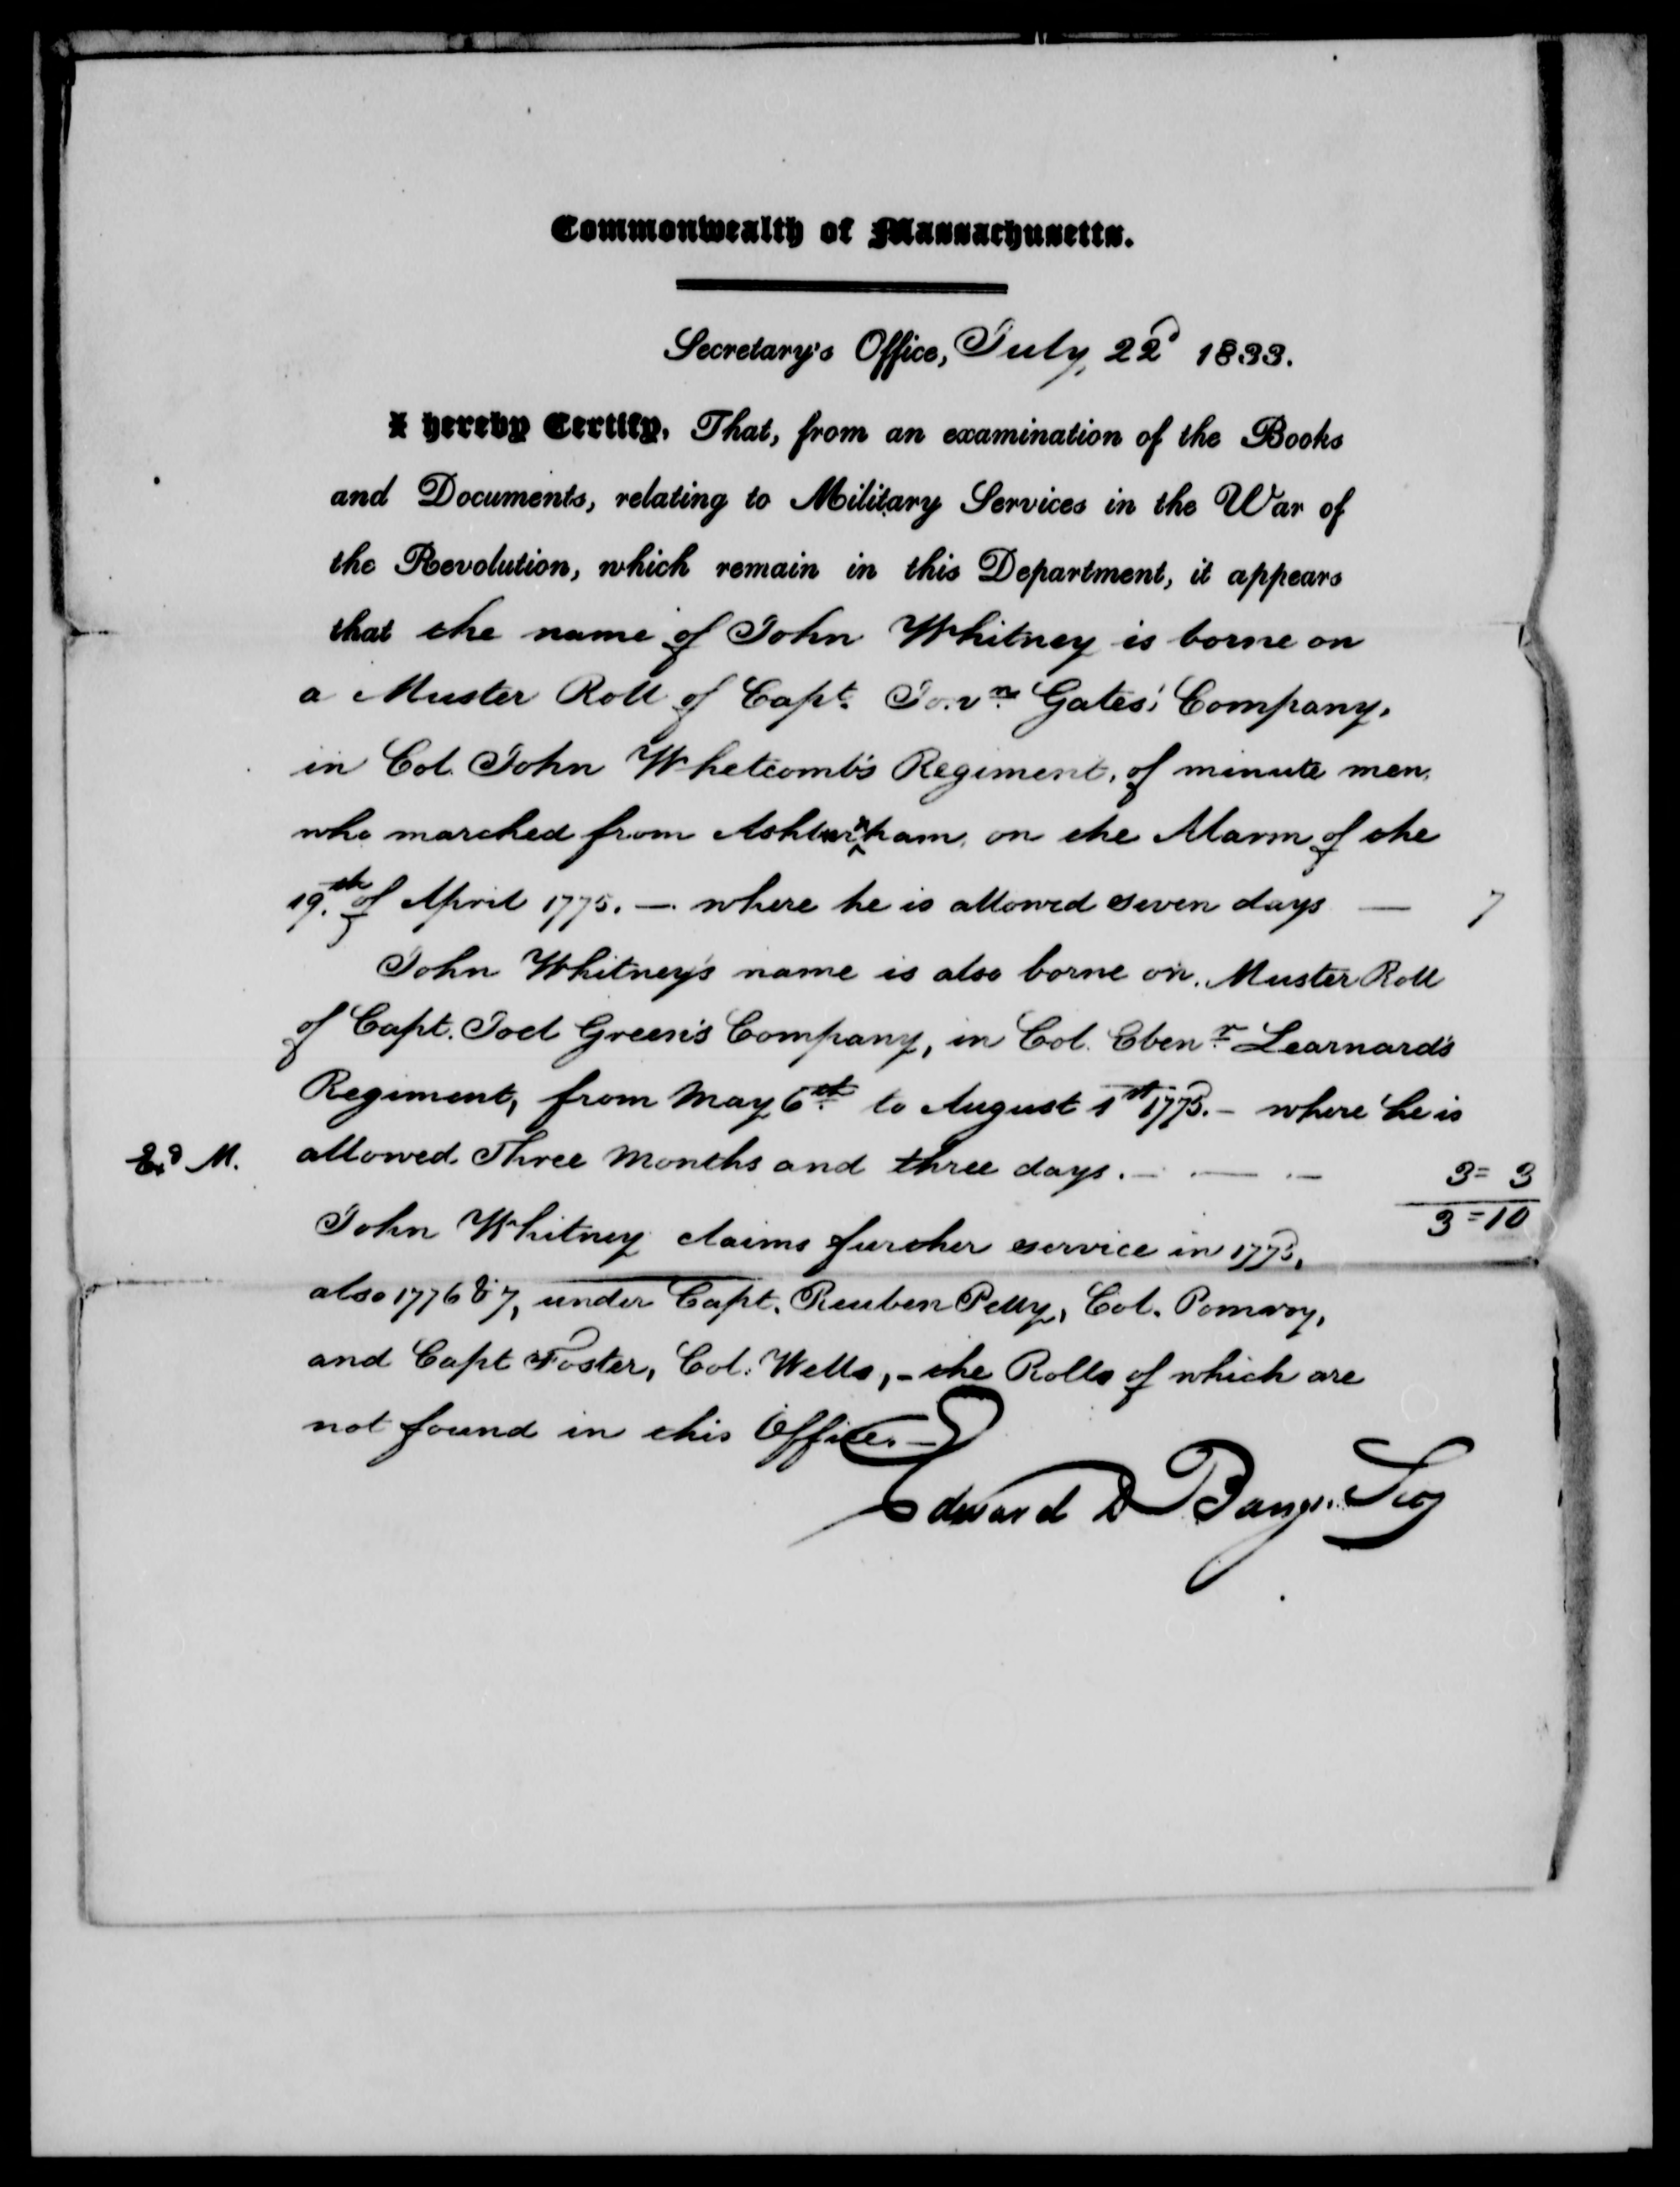COMMONWEALTH OF MASSACHUSETTES
Secretary's Office, July 22 1833.
I hereby certify, that, from an examination of the Books and Documents, relating to Military Services in the War of Revolution, which remain in this Department, it appears that the name of John Whiney is borne on a Muster Roll of Capt. Jona. Gates; Company in Col John Whitcomb's Regiment, of minute men,
who marched from Ashburnham on the Alarm of the 19th of April 1775. - where he is allowed seven days. John Whitney's name is also borne on Muster Roll of Capt. Joel Green's Company, in Col. Ebenr. Learnard's Regiment, from May 6th to August  1775, - where he is allowed three months and three days.  John Whitney claims further service in 1775, also 1776  & 7, under Capt. Reuben Petty, Col. Pomeroy, and Capt. Foster, Col. Wells, the Rolls of which are not found in this office.

Edward D. Banger Secy.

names: Foster, Edward D Bangs, Wells, Pomroy, Reuben Petty, John Whitney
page: 8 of 10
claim: survivor's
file: S. 30,203, John Whitney, Mass.